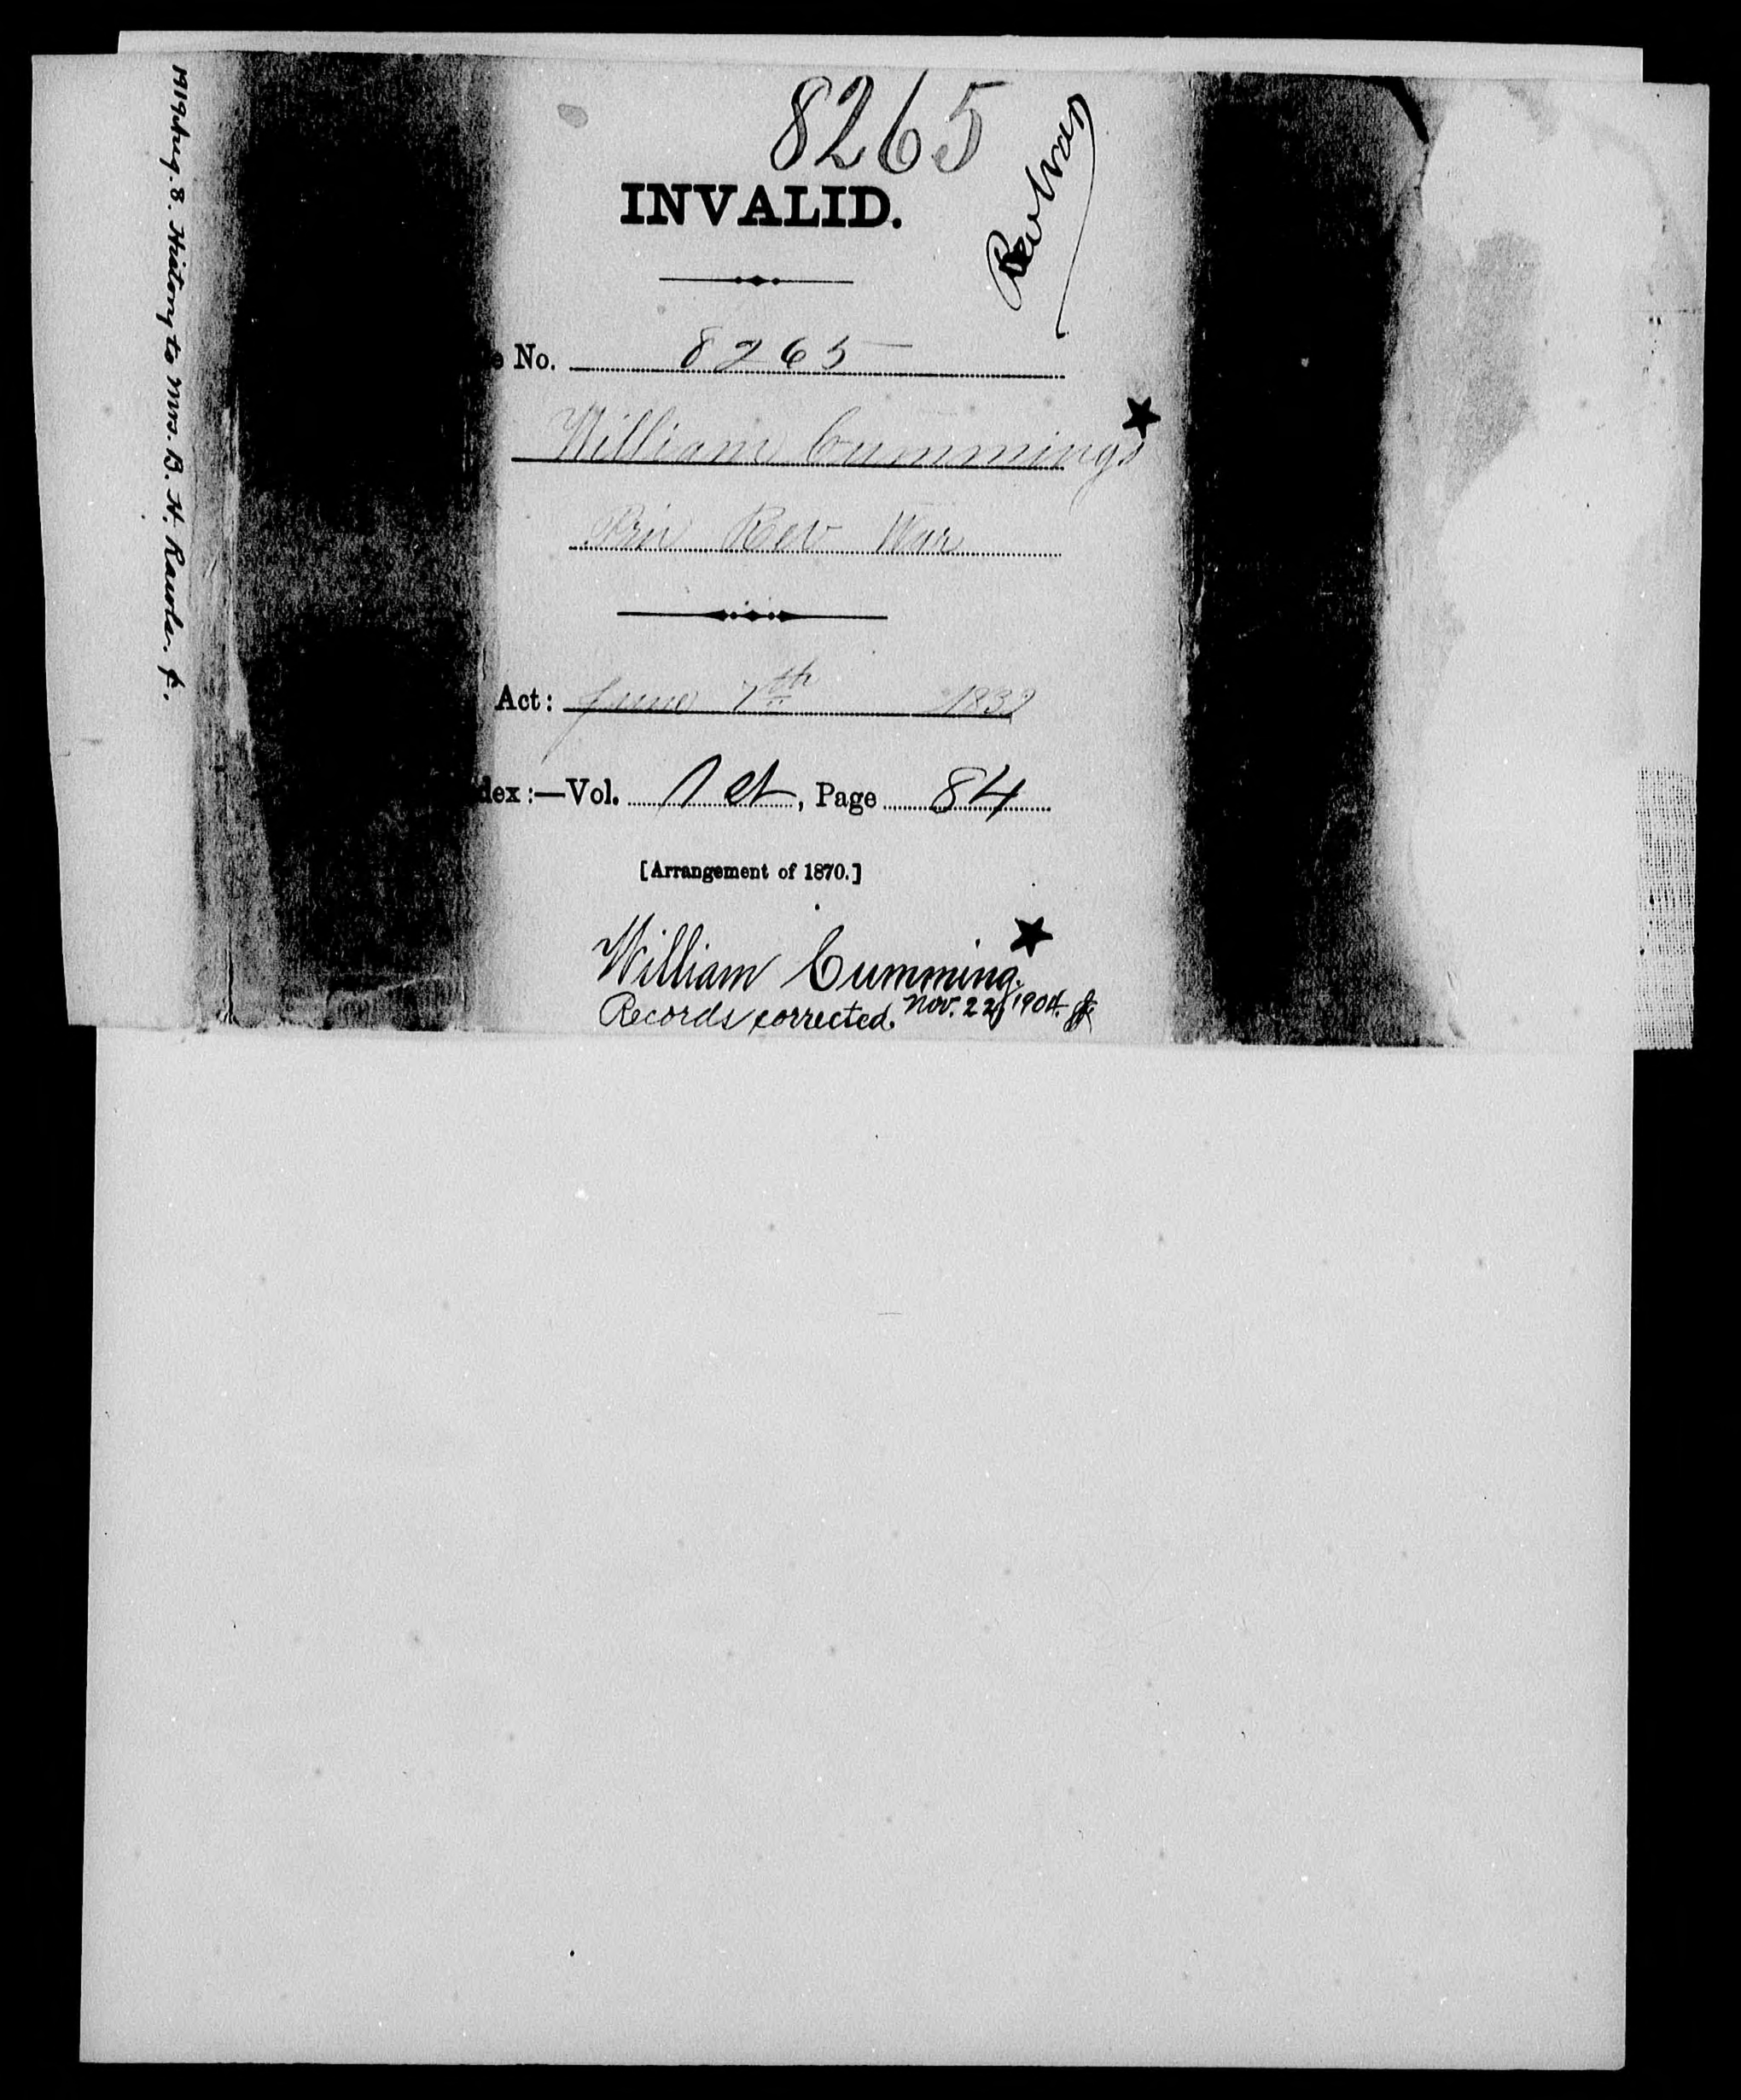[Printed record with several different handwritten notations.]

[In ink:] 8265
INVALID.
_________________

[Written perpendicuarly:] Rev War


[First word missing at paper edge on left side of page] -e No. 8265
William Cummings [here there is a star]
Priv Rev War
_________________

Act: June 7th 1832
__dex: - Vol. 1st, Page 84

(Arrangement of 1870.)

William Cumming [here there is a star]
Records corrected. Nov. 22, 1904 [illegible initials] 

[Along the left side margin of the page, there is written:] 1919 Aug. 8. History to Mrs. B. H. Rawls, &c. [and etcetera]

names: B H Rawls, William Cumming, William Cummings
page: 133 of 145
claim: survivor's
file: S. 8265, William Cumming, N.C.